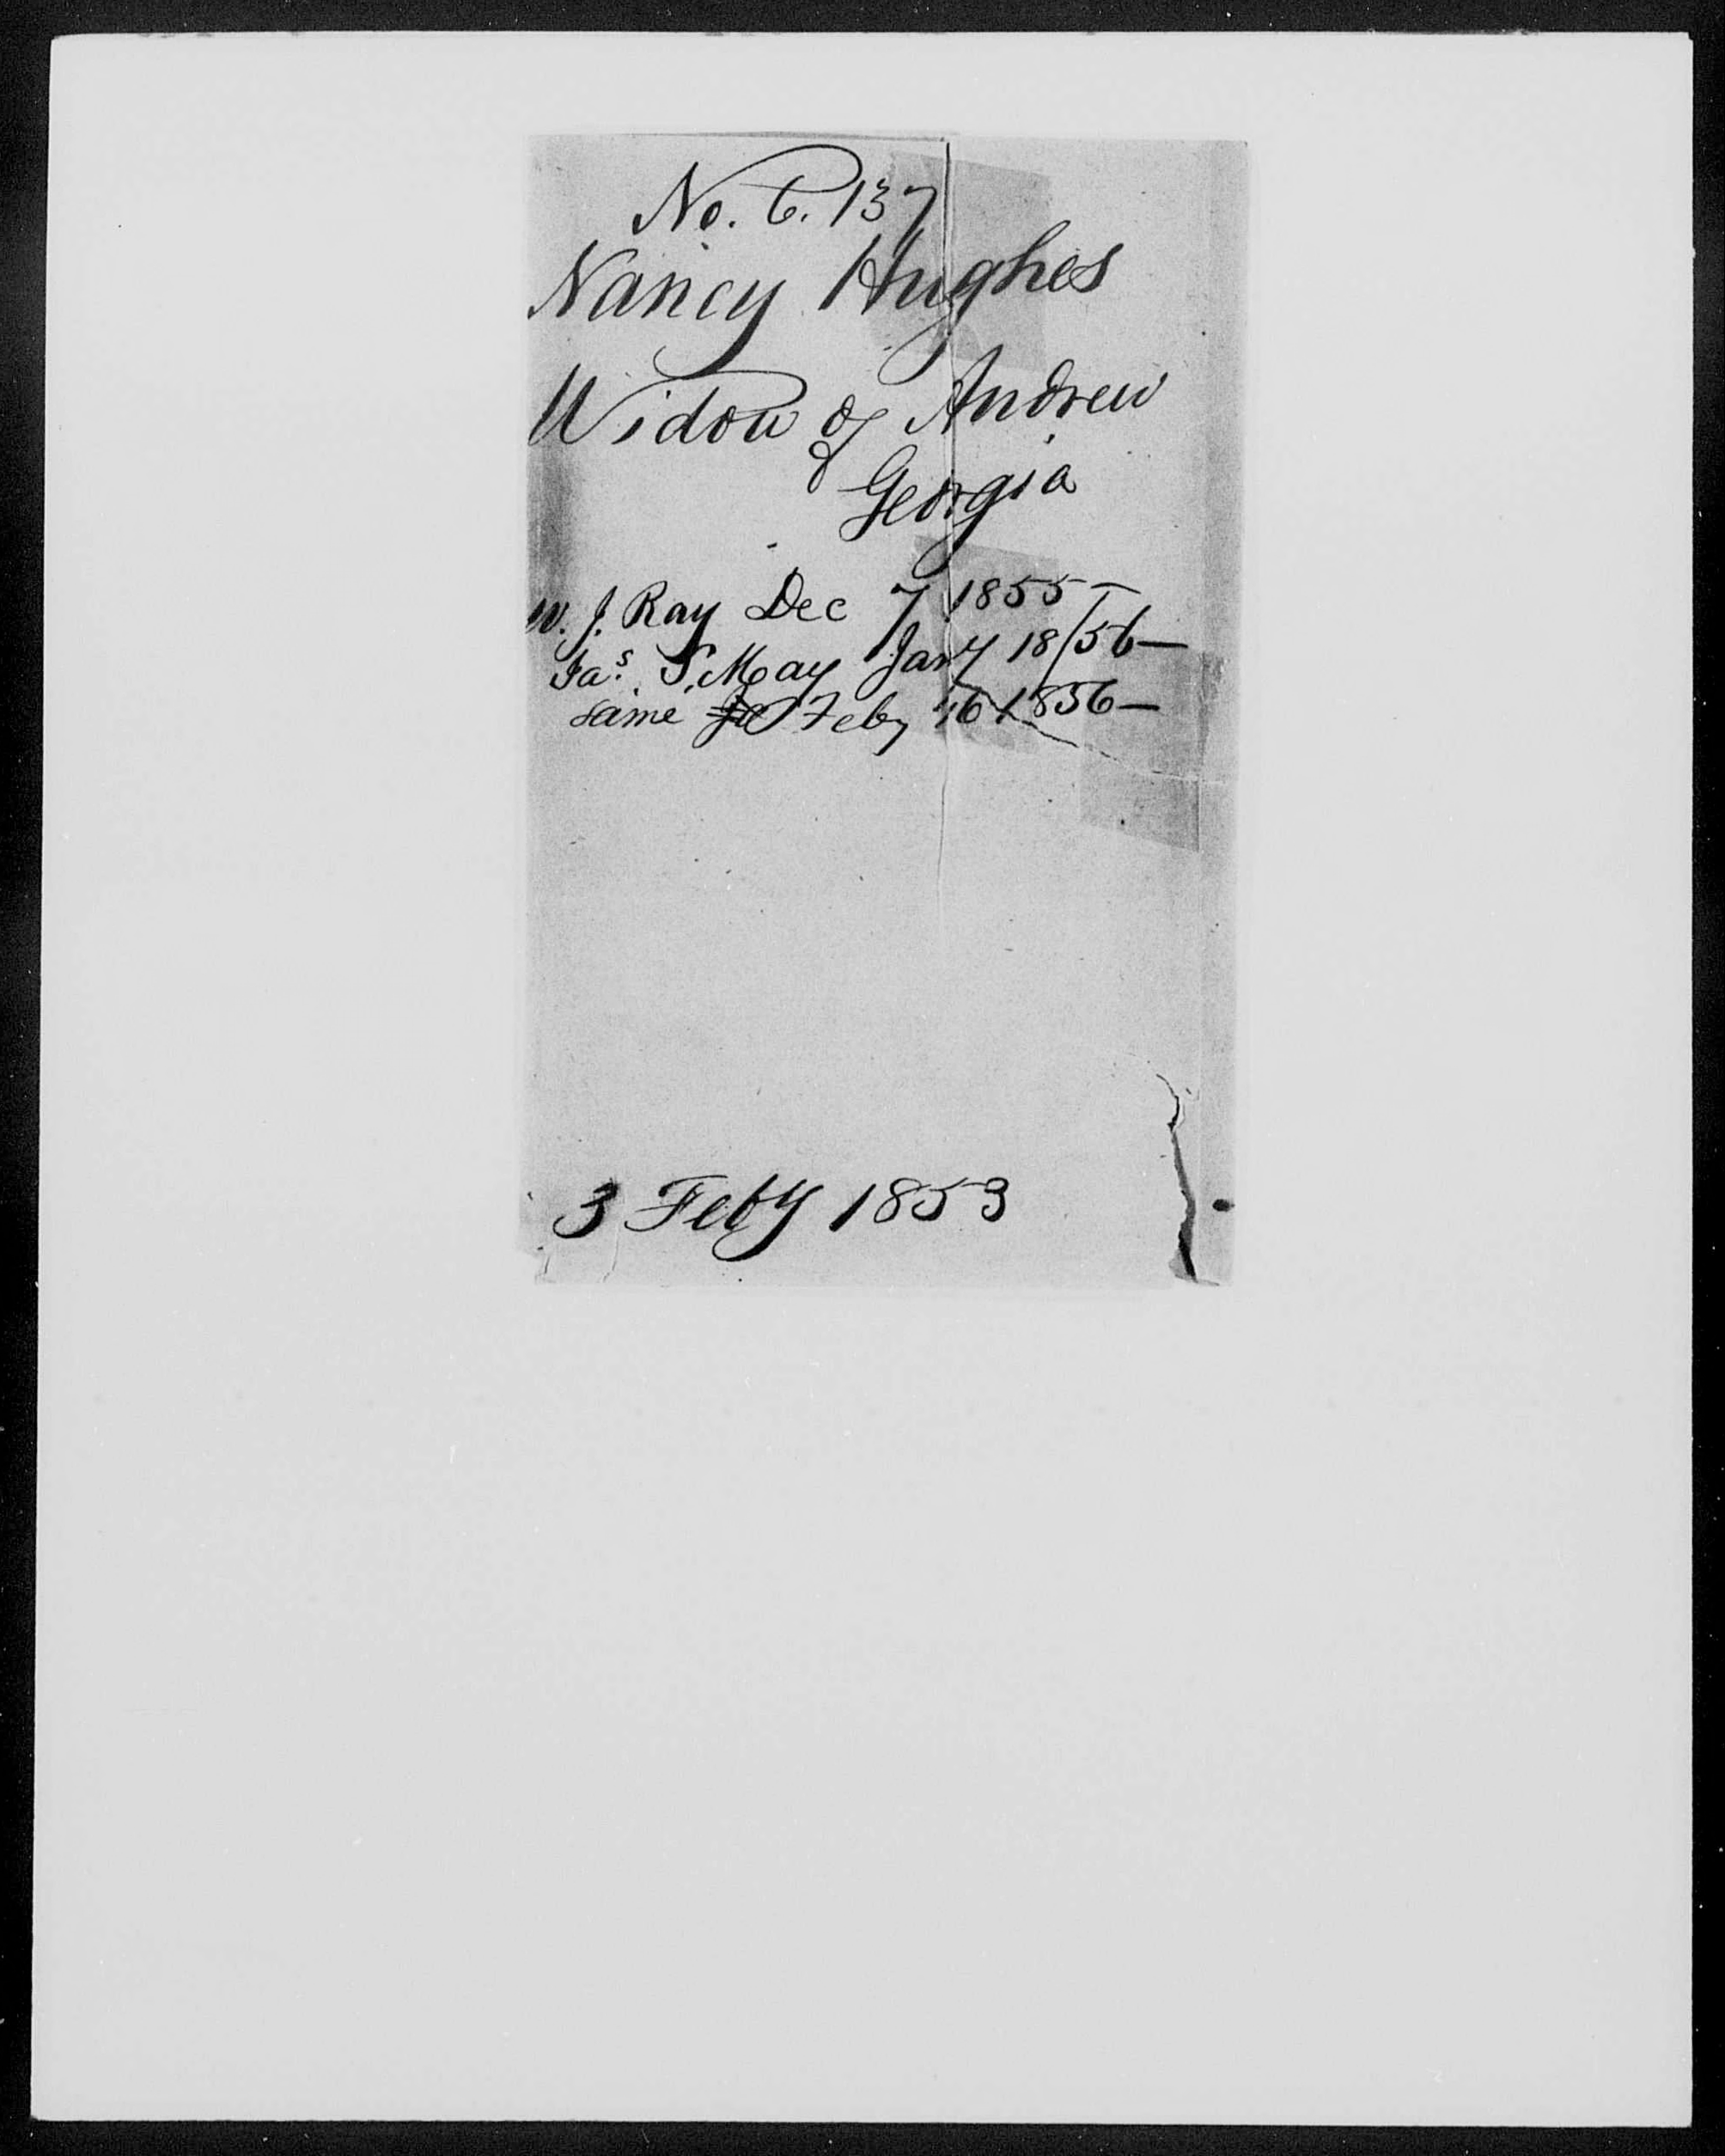No. 6. 137
Nancy Hughes
Widow of Andrew
Georgia
W.J. Ray Dec 7 1855
Jas. S. May Jan 4 1856
same Feby 16 1836
 3 Feby 1853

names: Andrew Hughes, Jas S May, Nancy Hughes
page: 27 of 75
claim: widow's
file: W. 25805, Andrew Hughes, N.C.